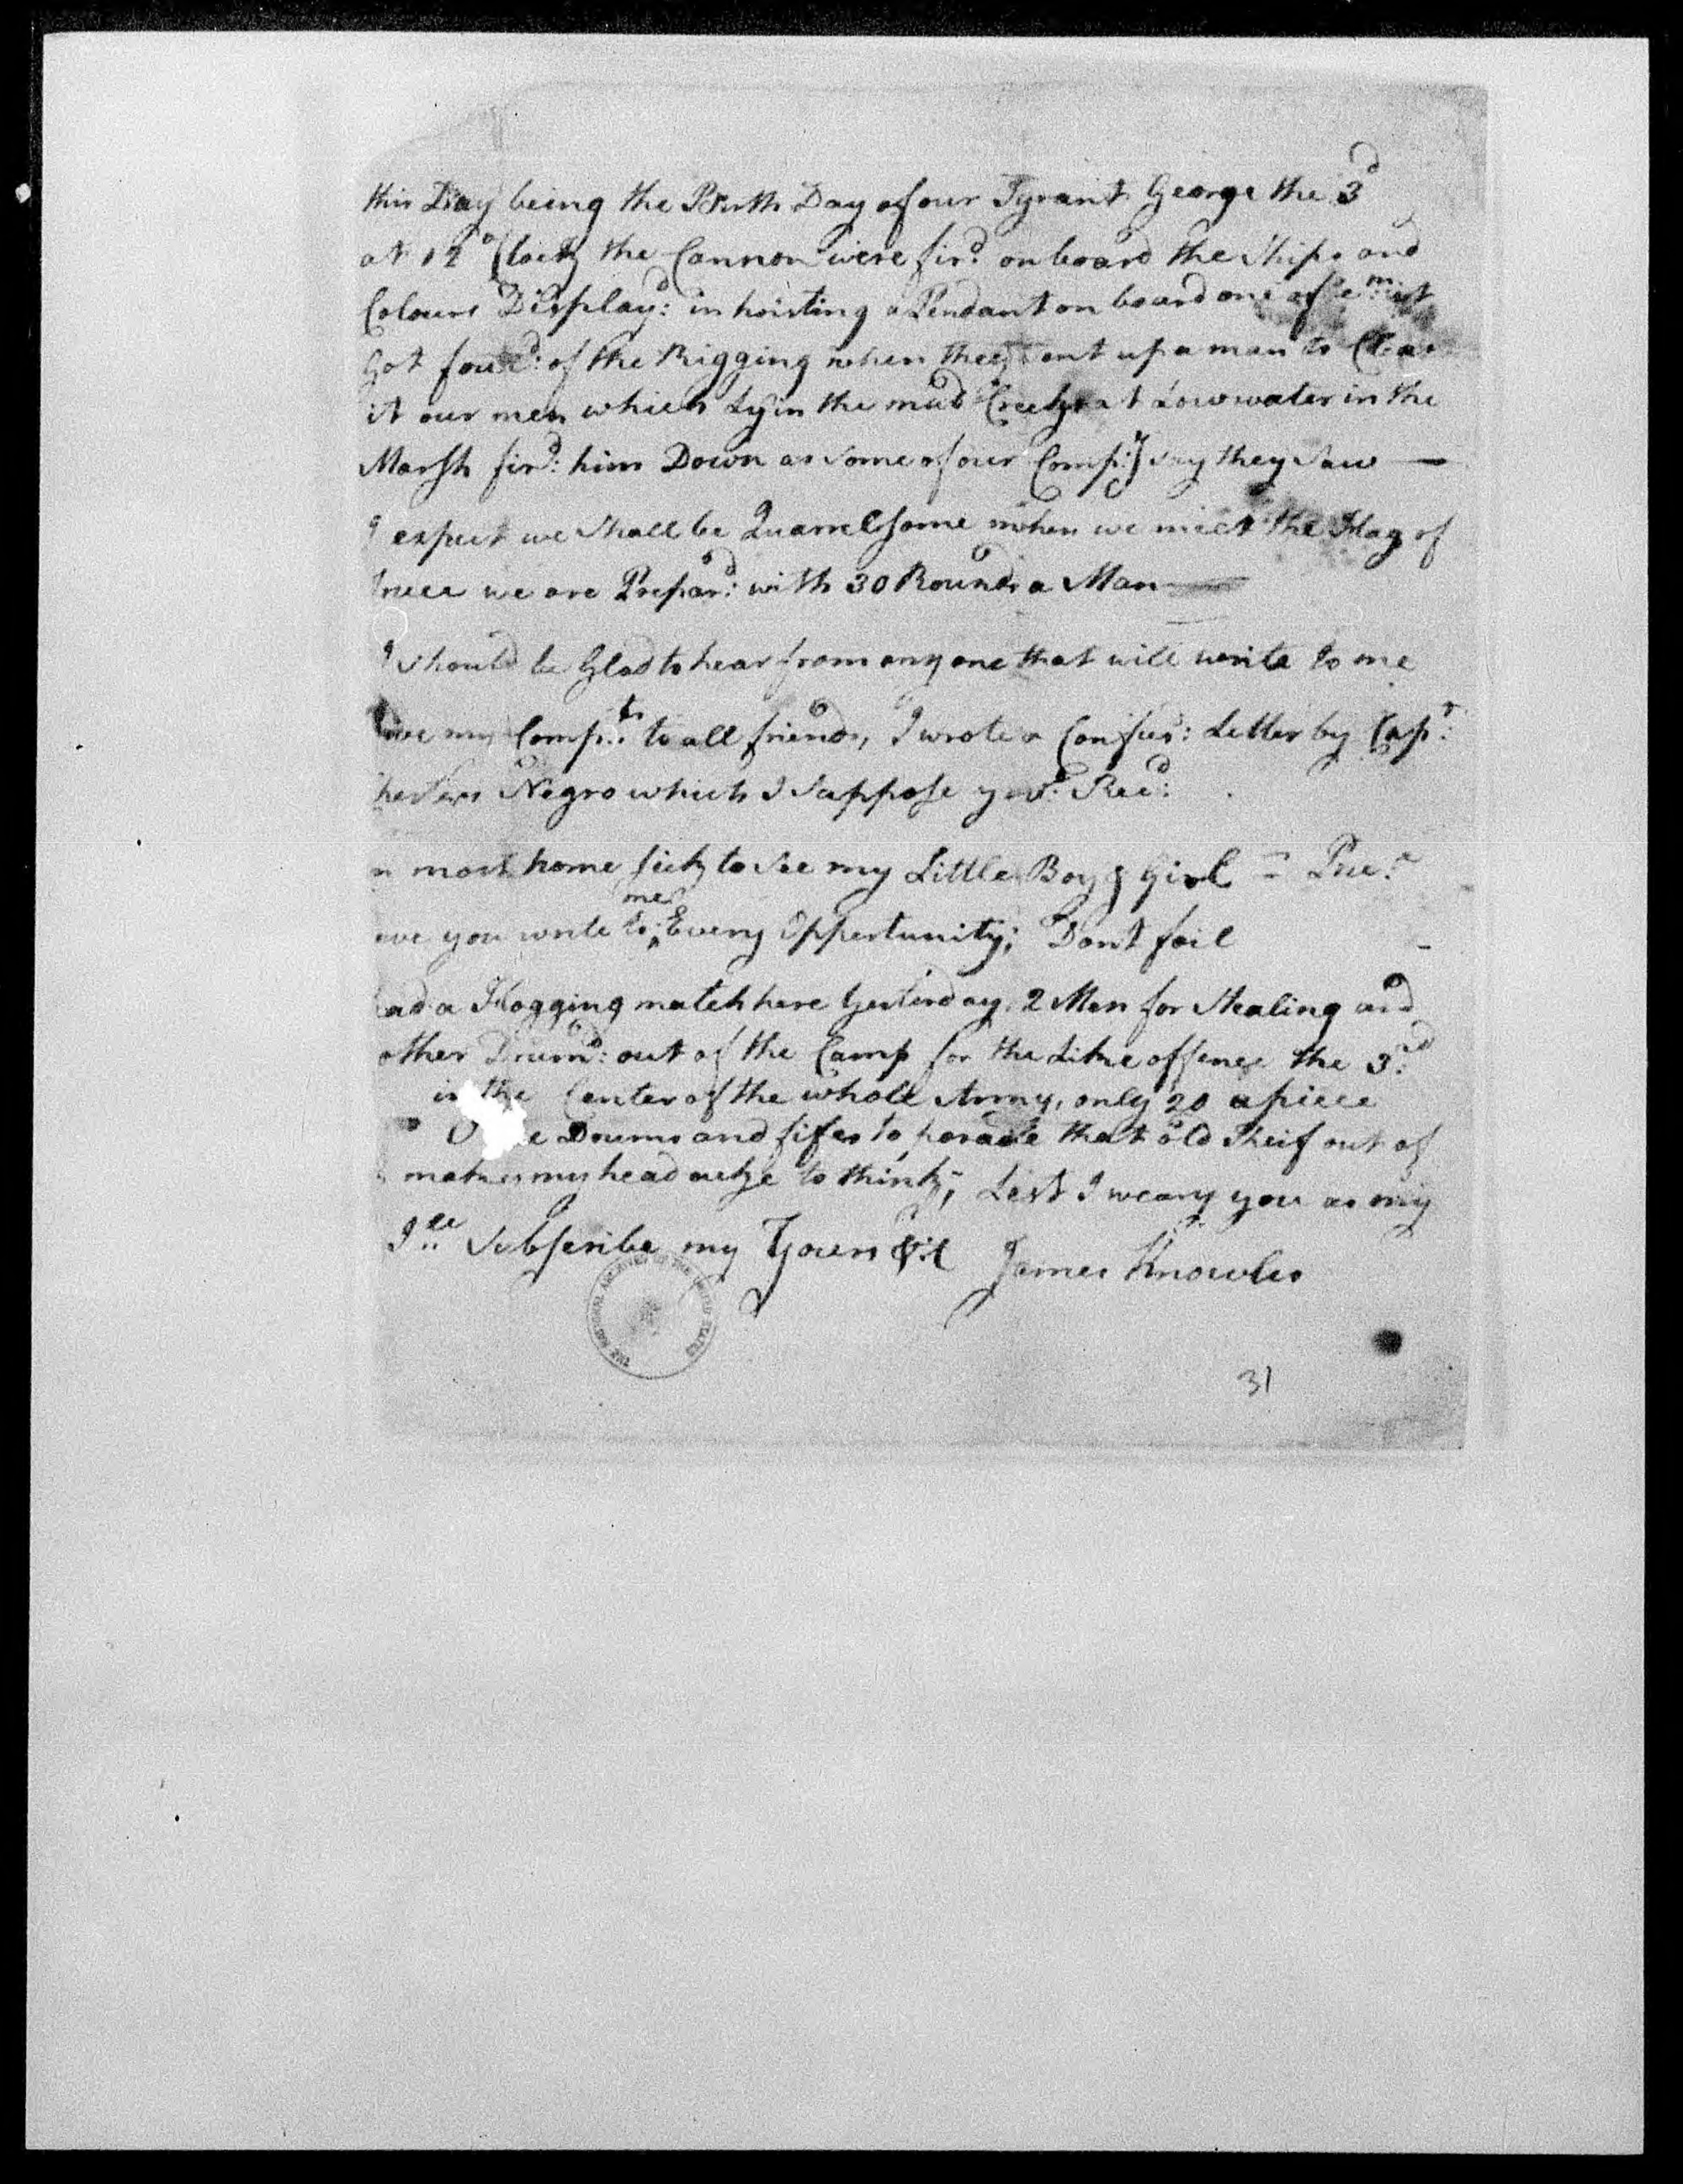this Day being the Birth Day of our Tyrant George the 3rd at 12 o'clock the Cannon were fir'd. on board the Ships and Colours Display: in hoisting a Pendant on board one of them. Got fouled of the Rigging when they went up a man to Clear it our men which lyin the mud (illegible word) at Low water in the Marsh find him Down as some of our Comp'y say they saw. I expect we Shall be Quarrelsome when we meet the Flag of Truce we are Prepar:d with 30 Rounds a Man (hereafter left margin is compromised)
I should be Glad to hear from anyone that will write to me or my Comp & to all friends, I wrote a Confiscat'd Letter by Capt  (illegible words) Negro which I suppose you  Rec'd.
... most home sick to see my Little Boy & Girl-
...you write to me Every Opportunity; Don't fail
...  a Flogging match here yesterday. 2 Men for stealing and other Drumd out of the Camp for the Like offence The 3rd in the Center of the whole army only 20 apiece
(hole) Drums and fifes to parade that old Thief out of makes my headache to think--Lest I weary you as my
 I'll Subscribe my Yours &c. James Knowles

(circular stamp) THE NATIONAL ARCHIVES OF THE UNITED STATES
31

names: James Knowles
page: 20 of 60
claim: widow's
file: W. 14,036, for James Knowles, Connecticut